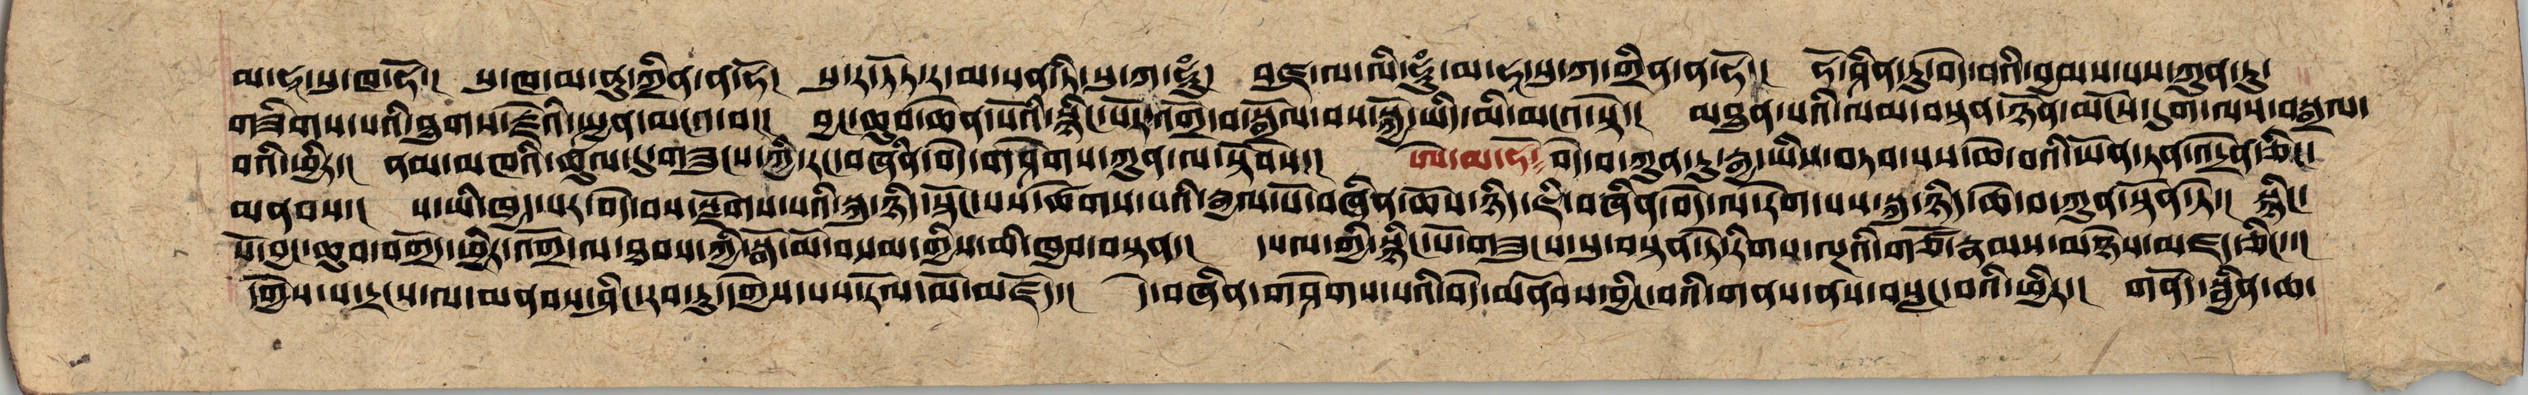མ་ཧཱ་སུ་ཁ་ཧོ་། སུ་ཁ་མ་ནུ་ཀྲིན་ན་ཧོ། སུ་ར་ཏོཏ་ར་མ་སན་ཏི་སུ་ཀ་ཧཱུཾ། བཛྲ་ལ་ལི་ཧཱུཾ་མ་ཧཱ་སུ་ཀ་གྲིན་ན་ཧོ་། ཧོ་ཤིན་ཏུ་བདེ་བའི་བྱམས་པས་ཀུན་ཏུ་
གཟིགས་པའི་ཐུགས་རྗེའི་སྤྱན་མངའ་བ།།། བྱང་ཆུབ་ཆེན་པོའི་སྙིང་པོར་འགྲོ་བ་སྒྲོལ་བས་སྐྱོ་ཡིད་མི་མངའ་སྟེ་། མཐུན་པའི་ལམ་བསྟན་ཉོན་མོངས་དུག་ལས་བསྒྲལ་
བའི་ཕྱིར་། ནམ་མཁའི་ཚུལ་དུ་གཟུངས་ཀྱི་རང་བཞིན་བདེ་གཤེགས་ཀུན་ལ་སྟོབསོ་། ཨེ་མ་ཧོ༴ བདེ་བ་ཀུན་ཏུ་རྒྱ་ཡིས་བཏབ་པས་ཆེ་བའི་ཡོན་ཏན་འདྲེན་ཅིང་
མནབས་། ས་ཡི་ཁྱད་པར་བདེ་བས་སྫོགས་པའི་སྐུ་ཉིད་སྟོང་པས་ཚོགས་པའི་རྒྱལ་པོ་བཞིན་ཆོས་ཉིད་ཇི་བཞིན་བདེ་ལ་རེག་པས་སྐུ་ཉིད་ཆེ་བ་ཀུན་སྟོན་ཏེ་། སྙིང་
པོ་བྱང་ཆུབ་བགྲོད་ཕྱིར་འགྲོ་ལ་ཐབས་ཀྱི་སྒོ་མོ་བསམ་གྱིས་མི་ཁྱབ་བསྟན་། དཔལ་གྱི་སྙིང་པོ་གཟུགས་སུ་བསྟན་ཏེ་རིགས་ལྔའི་གཙོ་རྣམས་མཉེས་མཛད་ཅིང་་།
དགྱེས་པ་དྲངས་ལ་མནབས་ཤིང་རབ་ཏུ་དགྱེས་པས་རོལ་མོ་མཛོད་། དེ་བཞིན་གཤེགས་པའི་བདེ་མནོབས་བྱིང་བའི་གནས་ནས་བསླང་བའི་ཕྱིར་། གནོད་སྦྱིན་ཆ་